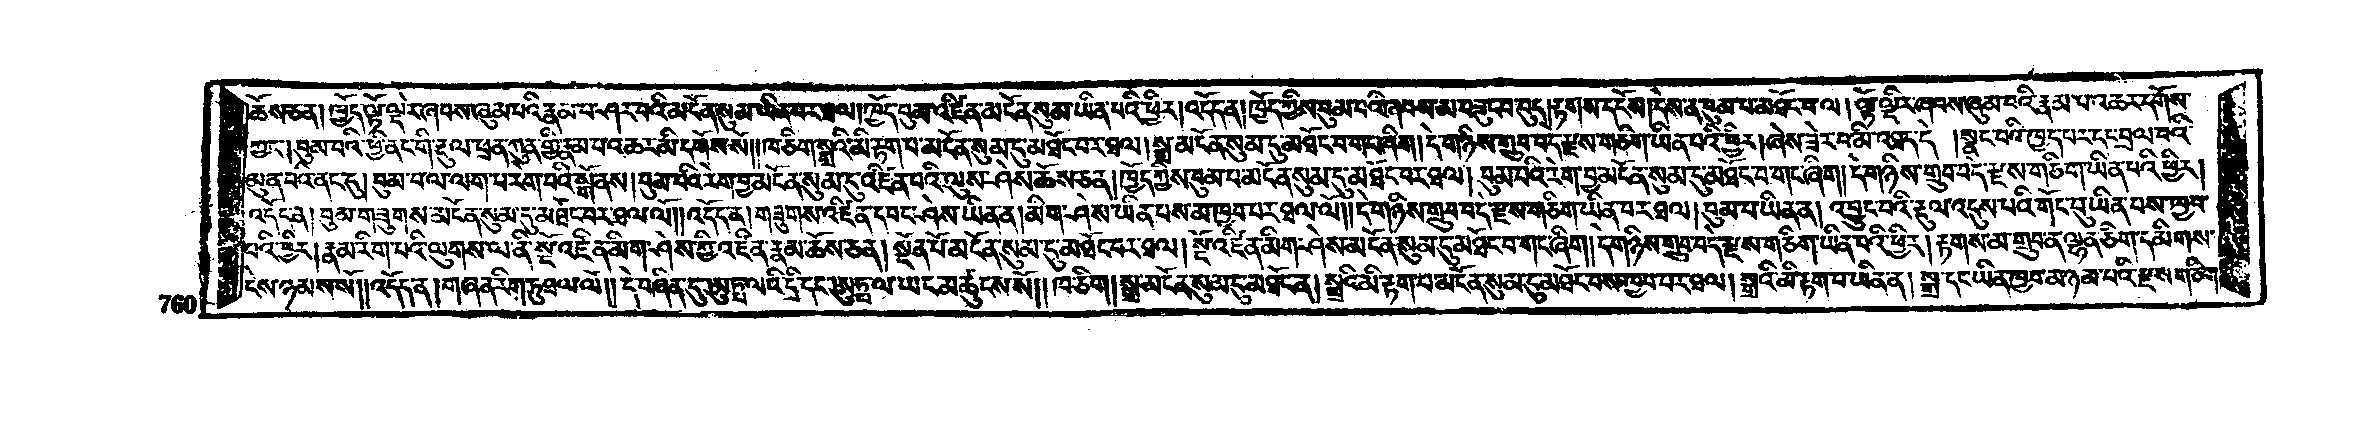ཆོས་ཅན། ཁྱོད་ལྟོ་ལྡེར་ཞབས་ཞུམ་པའི་རྣམ་པ་ཤར་བའི་མངོན་སུམ་ཡིན་པར་ཐལ། ཁྱོད་བུམ་འཛིན་མངོན་སུམ་ཡིན་པའི་ཕྱིར། འདོད་ན། ཁྱོད་ཀྱིས་བུམ་པའི་ཞབས་མ་བཟུང་བ་བུད། རྟགས་དངོས། དེས་ན་བུམ་པ་མཐོང་བ་ལ། ལྟོ་ལྡིར་ཞབས་ཞུམ་པའི་རྣམ་པ་འཆར་དགོས་
ཀྱང་། བུམ་པའི་ཕྱི་ནང་གི་རྡུལ་ཕྲན་ཀུན་གྱི་རྣམ་པ་འཆར་མི་དགོས་སོ། །ཁ་ཅིག་སྒྲའི་མི་རྟག་པ་མངོན་སུམ་དུ་མཐོང་བར་ཐལ། སྒྲ་མངོན་སུམ་དུ་མཐོང་བ་གང་ཞིག །དེ་གཉིས་གྲུབ་བདེ་རྫས་གཅིག་ཡིན་པའི་ཕྱིར། ཞེས་ཟེར་བ་མི་འཐད་དེ། སྣང་བའི་ཁྱད་པར་དང་བྲལ་བའི་
མུན་པའི་ནང་དུ། བུམ་པ་ལ་ལག་པ་རེག་པའི་སྒོ་ནས། བུམ་པའི་རེག་བྱ་མངོན་སུམ་དུ་འཛིན་པའི་ལུས་ཤེས་ཆོས་ཅན། ཁྱོད་ཀྱིས་བུམ་པ་མངོན་སུམ་དུ་མཐོང་བར་ཐལ། བུམ་པའི་རེག་བྱ་མངོན་སུམ་དུ་མཐོང་བ་གང་ཞིག །དེ་གཉིས་གྲུབ་བདེ་རྫས་གཅིག་ཡིན་པའི་ཕྱིར།
འདོད་ན། བུམ་གཟུགས་མངོན་སུམ་དུ་མཐོང་བར་ཐལ་ལོ། །འདོད་ན། གཟུགས་འཛིན་དབང་ཤེས་ཡིན་ན། མིག་ཤེས་ཡིན་པས་མ་ཁྱབ་པར་ཐལ་ལོ། །དེ་གཉིས་གྲུབ་བདེ་རྫས་གཅིག་ཡིན་པར་ཐལ། བུམ་པ་ཡིན་ན། འབྱུང་བའི་རྡུལ་འདུས་པའི་གོང་བུ་ཡིན་པས་ཁྱབ་
པའི་ཕྱིར། རྣམ་རིག་པའི་ལུགས་ལ་ནི་སྔོ་འཛིན་མིག་ཤེས་ཀྱི་འཛིན་རྣམ་ཆོས་ཅན། སྔོན་པོ་མངོན་སུམ་དུ་མཐོང་བར་ཐལ། སྔོ་འཛིན་མིག་ཤེས་མངོན་སུམ་དུ་མཐོང་བ་གང་ཞིག །དེ་གཉིས་གྲུབ་བདེ་རྫས་གཅིག་ཡིན་པའི་ཕྱིར། རྟགས་མ་གྲུབ་ན་ལྷན་ཅིག་དམིགས་
ངེས་ཉམས་སོ། །འདོད་ན། གཞན་རེག་ཏུ་ཐལ་ལོ། །དེ་བཞིན་དུ་ཨུཏྤ་ལའི་དྲི་དང་ཨུཏྤ་ལ་ཡང་མཚུངས་སོ། །ཁ་ཅིག །སྒྲ་མངོན་སུམ་དུ་མཐོང་ན། སྒྲའི་མི་རྟག་པ་མངོན་སུམ་དུ་མཐོང་བས་ཁྱབ་པར་ཐལ། སྒྲའི་མི་རྟག་པ་ཡིན་ན། སྒྲ་དང་ཡིན་ཁྱབ་མཉམ་པའི་རྫས་གཅིག་